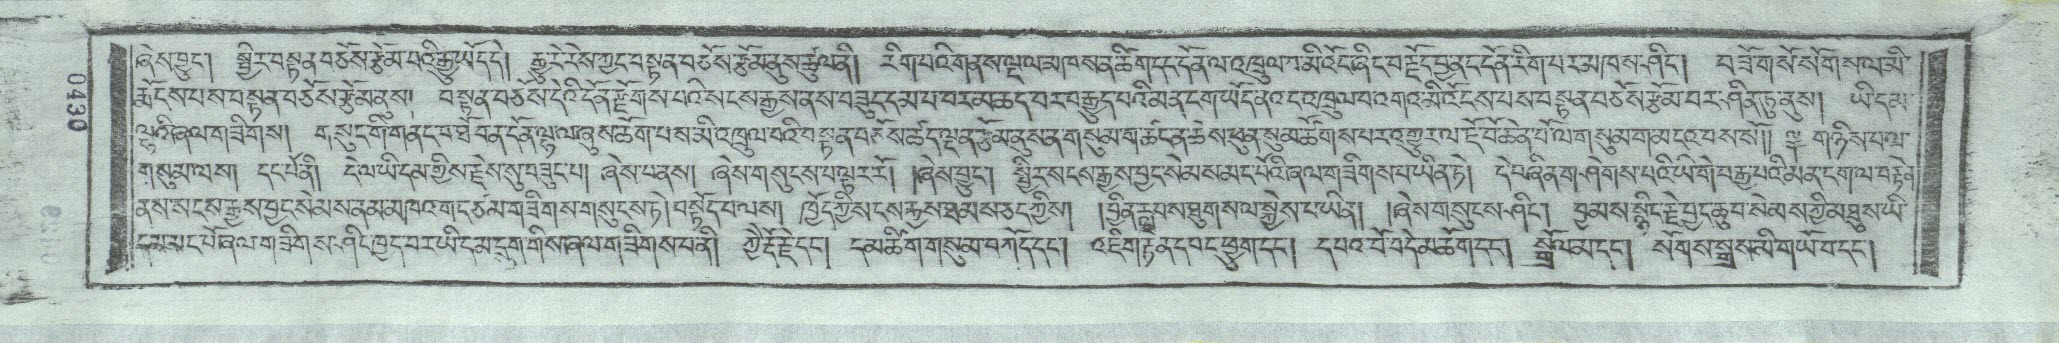ཞེས་བྱུང་། སྤྱིར་བསྟན་བཅོས་རྩོམ་པའི་རྒྱུ་ཡོད་དེ། རྒྱུ་རེ་རེས་ཀྱང་བསྟན་བཅོས་རྩོམ་ནུས་ཚུལ་ནི། རིག་པའི་གནས་ལྔ་ལ་མཁས་ན་ཚིག་དང་དོན་ལ་འཁྲུལ་བ་མི་འོང་ཞིང་བརྗོད་བྱ་ནང་དོན་རིག་པར་མཁས་ཤིང་། བཟོ་གསོ་སོགས་ལ་མི་
རྨོངས་པས་བསྟན་བཅོས་རྩོམ་ནུས། བསྟན་བཅོས་དེའི་དོན་རྫོགས་པའི་སངས་རྒྱས་ནས་བཟུང་དམ་པ་བར་མ་ཆད་བར་བརྒྱུད་པའི་མན་ངག་ཡོད་ནའང་འཁྲུལ་བ་འགའ་མི་འོངས་པས་བསྟན་བཅོས་རྩོམ་བར་ཤིན་ཏུ་ནུས། ཡི་དམ་
ལྷའི་ཞལ་གཟིགས། གསུང་གི་གནང་པ་ཐོབ་ན་དོན་ལྷ་ལ་ཞུས་ཆོག་པས་མི་འཁྲུལ་པའི་བསྟན་བཅོས་ཚད་ལྡན་རྩོམ་ནུས་ན་གསུམ་ག་ཚང་ན་ཆེས་ཕུན་སུམ་ཚོགས་པར་འགྱུར་ལ་ཇོ་བོ་ཆེན་པོ་ལ་གསུམ་ག་མངའ་བས་སོ།། ༈ གཉིས་པ་ལ་
གསུམ་ལས། དང་པོ་ནི། དེ་ལ་ཡི་དམ་གྱིས་རྗེས་སུ་བཟུང་པ། ཞེས་པ་ནས། ཞེས་གསུངས་པ་ལྟར་རོ། །ཞེས་བྱུང་། སྤྱིར་སངས་རྒྱས་བྱང་སེམས་མང་པོའི་ཞལ་གཟིགས་པ་ཡིན་ཏེ། དེ་བཞིན་གཤེགས་པའི་ཡི་གེ་བརྒྱ་པའི་མན་ངག་ལ་བརྟེན་
ནས་སངས་རྒྱས་བྱང་སེམས་ནམ་མཁའ་གང་ཙམ་གཟིགས་གསུངས་ཏེ། བསྟོད་པ་ལས། ཁྱོད་ཀྱི་སངས་རྒྱས་ཐམས་ཅད་ཀྱིས། །བྱིན་རླབས་ཐུགས་ལ་སྐྱེས་པ་ཡིན། །ཞེས་གསུངས་ཤིང་། བྱམས་སྙིང་རྗེ་བྱང་ཆུབ་སེམས་ཀྱི་མཐུས་ཡི་
དམ་མང་པོ་ཞལ་གཟིགས་ཤིང་ཁྱད་པར་ཡི་དམ་དྲུག་གིས་ཞལ་གཟིགས་པ་ནི། ཀྱཻ་རྡོ་རྗེ་དང་། དམ་ཚིག་གསུམ་བཀོད་དང་། འཇིག་རྟེན་དབང་ཕྱུག་དང་། དཔའ་པོ་བདེ་མཆོག་དང་། སྒྲོལ་མ་དང་། སོགས་སྒྲས་མི་གཡོབ་དང་།